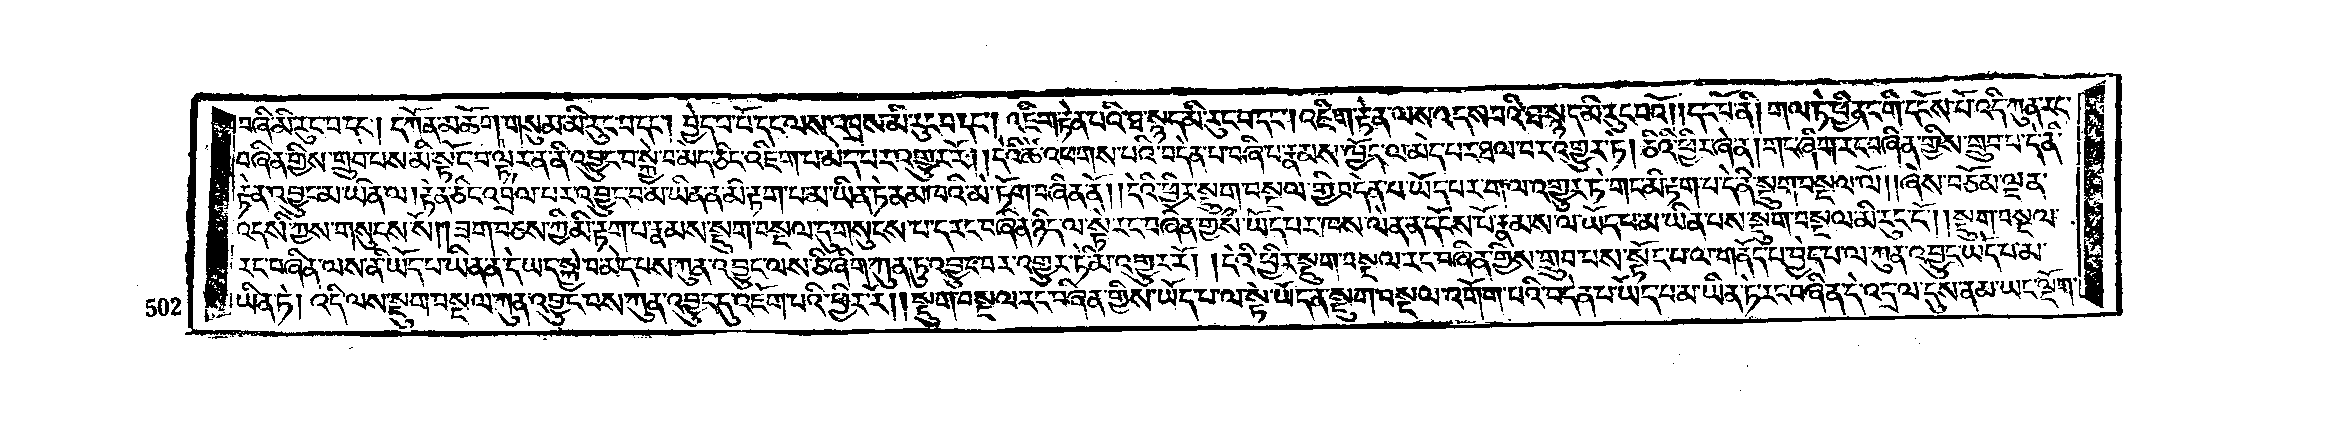བཞི་མི་རུང་པ་དང་། དཀོན་མཆོག་གསུམ་མི་རུང་བ་དང་། བྱེད་པ་པོ་དང་ལས་འབྲས་མི་རུང་བ་དང་། འཇིག་རྟེན་པའི་ཐ་སྙད་མི་རུང་བ་དང་། འཇིག་རྟེན་ལས་འདས་པའི་ཐ་སྙད་མི་རུང་བའོ། །དང་པོ་ནི། གལ་ཏེ་ཕྱི་ནང་གི་དངོས་པོ་འདི་ཀུན་རང་
བཞིན་གྱིས་གྲུབ་པས་མི་སྟོང་པ་ལྟར་ན་ནི་འབྱུང་བ་སྐྱེ་བ་མེད་ཅིང་འཇིག་པ་མེད་པར་འགྱུར་རོ། །དེའི་ཚེ་འཕགས་པའི་བདེན་པ་བཞི་པོ་རྣམས་ཁྱོད་ལ་མེད་པར་ཐལ་བར་འགྱུར་ཏེ། ཅིའི་ཕྱིར་ཞེ་ན། གང་ཞིག་རང་བཞིན་གྱིས་གྲུབ་པ་དེ་ནི་
རྟེན་འབྱུང་མ་ཡིན་ལ། རྟེན་ཅིང་འབྲེལ་པར་འབྱུང་བ་མ་ཡིན་ན་མི་རྟག་པ་མ་ཡིན་ཏེ་ནམ་ཁའི་མེ་ཏོག་བཞིན་ནོ། །དེའི་ཕྱིར་སྡུག་བསྔལ་གྱི་བདེན་པ་ཡོད་པར་གལ་འགྱུར་ཏེ་གང་མི་རྟག་པ་དེ་ནི་སྡུག་བསྔལ་ལོ། །ཞེས་བཅོམ་ལྡན་
འདས་ཀྱིས་གསུངས་སོ། །ཟག་བཅས་ཀྱི་མི་རྟག་པ་རྣམས་སྡུག་བསྔལ་དུ་གསུངས་པ་དེ་རང་བཞིན་ཉིད་ལ་སྟེ་རང་བཞིན་གྱིས་ཡོད་པར་ཁས་ལེན་ན་དངོས་པོ་རྣམས་ལ་ཡོད་པ་མ་ཡིན་པས་སྡུག་བསྔལ་མི་རུང་ངོ། །སྡུག་བསྔལ་
རང་བཞིན་ལས་ནི་ཡོད་པ་ཡིན་ན་དེ་ཡང་སྐྱེ་བ་མེད་པས་ཀུན་འབྱུང་ལས་ཅི་ཞིག་ཀུན་ཏུ་འབྱུང་བར་འགྱུར་ཏེ་མི་འགྱུར་རོ། །དེའི་ཕྱིར་སྡུག་བསྔལ་རང་བཞིན་གྱིས་གྲུབ་པས་སྟོང་པ་ལ་གནོད་པ་བྱེད་པ་ལ་ཀུན་འབྱུང་ཡོད་པ་མ་
ཡིན་ཏེ། འདི་ལས་སྡུག་བསྔལ་ཀུན་འབྱུང་བས་ཀུན་འབྱུང་དུ་འཇོག་པའི་ཕྱིར་རོ། །སྡུག་བསྔལ་རང་བཞིན་གྱིས་ཡོད་པ་ལ་སྟེ་ཡོད་ན་སྡུག་བསྔལ་འགོག་པའི་བདེན་པ་ཡོད་པ་མ་ཡིན་ཏེ་རང་བཞིན་དེ་འདྲ་ལ་དུས་ནམ་ཡང་ལྡོག་